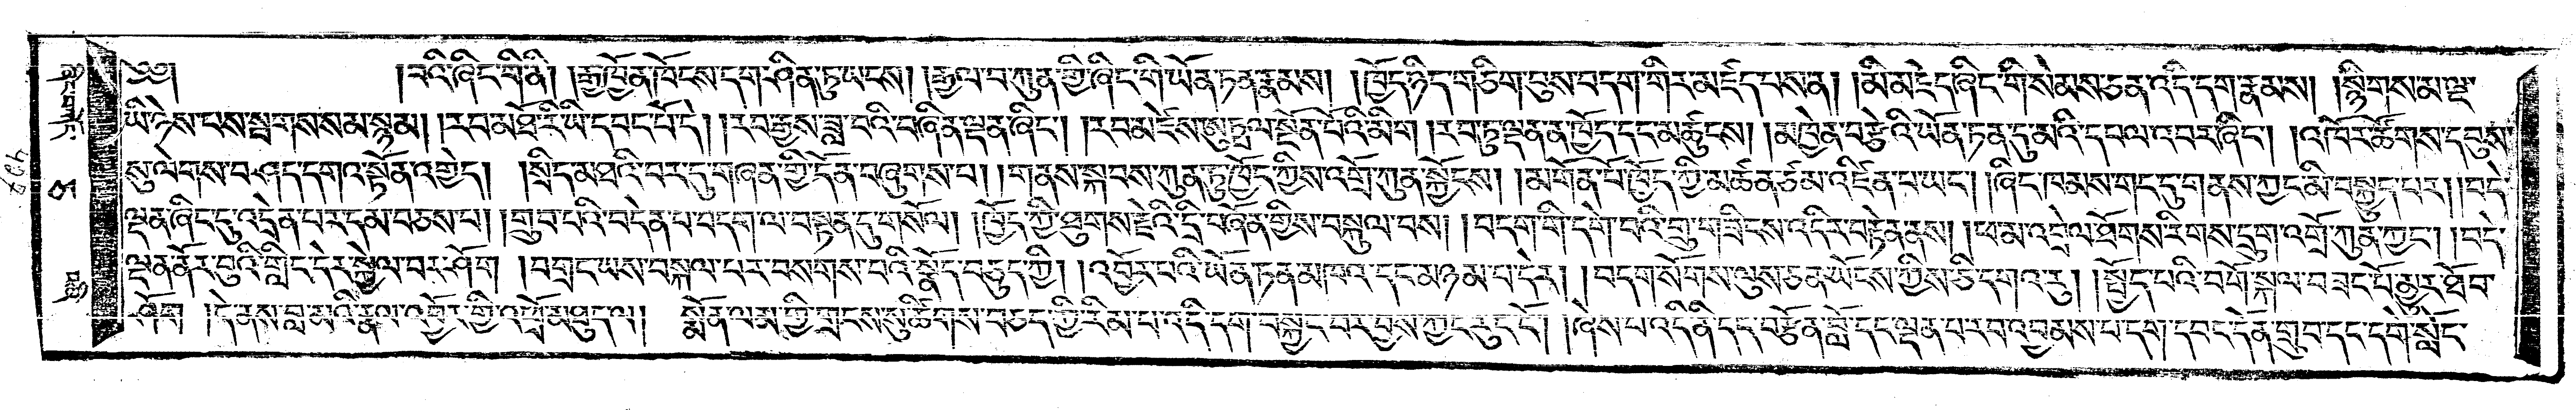༄༅། །བའི་ཞིང་གི་ནི། །རྒྱ་ཁྱོན་ཁོངས་དག་ཤིན་ཏ་ཡངས། །རྒྱལ་བ་ཀུན་གྱི་ཞིང་གི་ཡོན་ཏན་རྣམས། །ཁྱོད་ཉིད་གཅིག་བུས་བདག་གིར་མཛད་པས་ན། །མི་མེད་ཞིང་གི་སེམས་ཅན་འདི་དག་རྣམས། །སྙིགས་མ་ལྔ་
ཡི་ཉེས་པས་སྦགས་སམ་སྙམ། །རབ་མཐོ་རི་ཡི་དབང་པོ་དེ། །རབ་རྒྱས་ཟླ་བའི་བཞིན་ལྡན་ཞིང་། །རབ་མཛེས་ཨུཏྤལ་སྔོན་པོའི་མིག །རབ་ཏུ་ལྡན་ན་ཁྱོད་དང་མཚུངས། །མཁྱེན་བརྩེའི་ཡོན་ཏན་དུ་མའི་དཔལ་འབར་ཞིང་། །འཁོར་ཚོགས་དབུས་
སུ་ལེགས་བཤད་དགའ་སྟོན་འགྱེད། །སྲིད་མཐའི་བར་དུ་གཞན་གྱི་དོན་བཞུགས་པ། །གནས་སྐབས་ཀུན་ཏུ་ཁྱོད་ཀྱིས་འགྲོ་ཀུན་སྐྱོངས། །མགོན་པོ་ཁྱོད་ཀྱི་མཚན་ཙམ་འཛིན་པ་ཡང་། །ཞིང་ཁམས་གང་དུ་གནས་ཀྱང་མི་བསྐྱུད་པར། །བདེ་
ལྡན་ཞིང་དུ་འདྲེན་པར་དམ་བཅས་པ། །གྲུབ་པའི་བདེན་པ་བདག་ལ་བསྟན་དུ་གསོལ། །ཁྱོད་ཀྱི་ཐུགས་རྗེའི་དྲི་བཞོན་གྱིས་བསྐུལ་བས། །བདག་གི་དགེ་བའི་གྲུ་གཟིངས་འདིར་བརྟེན་ནས། །ཕ་མ་འབྲེལ་ཐོགས་རིགས་དྲུག་འགྲོ་ཀུན་ཀྱང་། །བདེ་
ལྡན་ནོར་བུའི་གླིང་དེར་སྐྱེལ་བར་ཤོག །བགྲང་ཡང་བསྐལ་པར་བསགས་པའི་སྣོད་བཅུད་ཀྱི། །འབྱོར་བའི་ཡོན་ཏན་མཁའ་དང་མཉམ་པ་དེར། །བདག་སོགས་ལུས་ཅན་ཡོངས་ཀྱིས་ཅི་དགའ་རུ། །སྤྱོད་པའི་བགོ་སྐལ་བཟང་པོ་མྱུར་ཐོབ་
ཤོག །དེ་ནས་བླ་མའི་རྣལ་འབྱོར་གྱི་འཕྲོ་མཐུད་ལ། སྨོན་ལམ་གྱི་གྲངས་སུ་ཚིགས་བཅད་ཀྱི་རིམ་པ་འདི་དག་བསྐྱང་བར་བྱས་ཀྱང་རུང་ངོ། །ཞེས་པ་འདི་ནི་དད་བརྩོན་བློ་དང་ལྡན་པ་རབ་འབྱམས་པ་དག་དབང་དོན་གྲུབ་དང་དགེ་སློང་